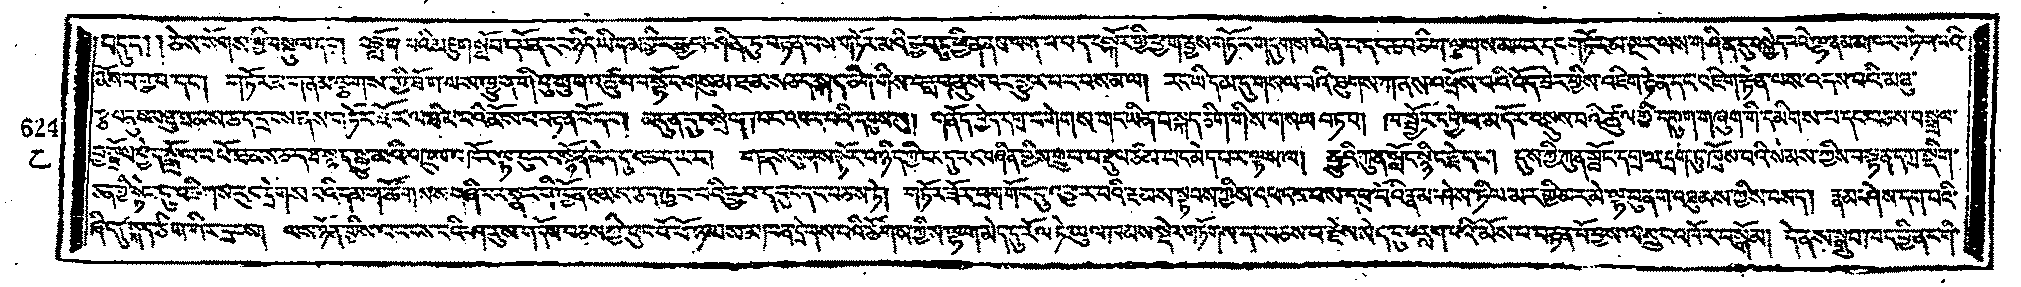བདུད། །ཅེས་སོགས་གྱི་བསྐུལ་དང་། བཟློག་པའི་མཇུག་སློབ་དཔོན་རང་ཉིད་ཡི་དམ་གྱི་ང་རྒྱབ་ཤིན་ཏུ་བརྟན་པས་གཏོར་མའི་རྒྱབ་ཏུ་ཕྱིན་ནས་ལག་པ་པད་བསྐོར་གྱི་ཕྱག་རྒྱས་གཏོར་གདུགས་ལེན་པ་དང་ཆབ་ཅིག་ལྕགས་མཁར་དང་གཏོར་མ་སྔར་ལས་གཤིན་དུ་བསྐྱེད་པའི་ལྷ་ནམ་མཁར་བཏེག་པའི་
མོས་པ་བྱ་བ་དང་། གཏོར་མ་གནམ་ལྕགས་ཀྱི་ཐོག་ལས་ཁྱུག་གི་བུ་མུག་འཚུབ་བ་སྟོང་གསུམ་ཐམས་ཅད་སྐད་ཅིག་གིས་བརླག་ནུས་བར་གྱུར་བར་བསམ་ལ། རང་ཡི་དམ་དུ་གསལ་བའི་ཐུགས་ཀ་ནས་འཕྲོས་པའི་འོད་ཟེར་གྱིས་འཇིག་རྟེན་དང་འཇིག་རྟེན་ལས་འདས་པའི་མཐུ་
རྩལ་ནུས་མཐུ་ཐམས་ཅད་དྲངས་ནས་གཏོར་ཟོར་ལ་ཐིམ་པའི་མོས་པ་བརྟན་པོ་དང་། མདུན་དུ་བསྲེག་ཁང་འབར་བའི་དབུས་སུ། གནོད་བྱེད་དགྲ་བགེགས་གང་ཡིན་པ་སྐད་ཅིག་གིས་གསལ་བཏབ། ཁ་སྦྱོར་དབྱེ་བ་མདོར་བསྡུས་པའི་ཚུལ་གྱི་དགུག་གཞུག་གི་དམིགས་པ་དང་བཅས་བསྒྲལ་
བྱ་སྒྲོལ་བྱེད་སྒྲོལ་པ་པོ་ཐམས་ཅད་ཐ་སྙད་སྒྱུ་མའི་འཁྲུལ་འཁོར་ལྟ་བུར་བསྙོན་མེད་དུ་འཆར་ཡང་། གནས་ལུགས་སྟོང་པ་ཉིད་ཀྱི་ངང་དུ་རང་བཞིན་གྱིས་གྲུབ་པ་རྡུལ་ཙམ་ཡང་མེད་པར་ལྟས་ལ། རྒྱུའི་ཀུན་སློང་སྙིང་རྗེ་དང་། དུས་ཀྱི་ཀུན་སློང་དགྲ་ལ་དྲག་ཏུ་ཁྲོས་པའི་སེམས་ཀྱིས་བསྟན་དཀྲ་སྡིག་
ཅན་གྱི་སྟེང་དུ་འཇིགས་རུང་དྲེགས་པའི་དམག་ཚོགས་ས་གཞི་བར་སྣང་གི་ཁྱོན་ཐམས་ཅད་ཁྱབ་པའི་རྒྱབ་དཔུང་དང་བཅས་ཏེ། གཏོར་ཟོར་ཕྲག་གོང་དུ་འཕྱར་བའི་རྔམས་སྟབས་ཀྱིས་འཕངས་པས་དགྲ་བོའི་རྣམ་ཤེས་ཏིལ་མར་གྱི་མར་མེ་ལྟ་བུ་ནག་འཐུམས་ཀྱིས་བསད། རྣམ་ཤེས་དག་པའི་
ཞིང་དུ་སྐད་ཅིག་གིས་དྲངས། ལས་ཉོན་གྱིས་འཕངས་པའི་ཤ་རུས་གདོས་བཅས་ཀྱི་ཕུང་པོ་ཕོ་ཉ་ལས་མཁན་དྲེགས་པའི་ཚོགས་ཀྱིས་ལྷག་མེད་དུ་རོལ་ཏེ་ཡུལ་ཁམས་སྡེར་གཏོགས་དང་བཅས་པ་རྗེས་མེད་དུ་བརླག་པའི་མོས་པ་བརྟན་པོ་བྱས་ལ་སྲུང་འཁོར་བསྒོམ། དེ་ནས་སྒྲུབ་ཁང་ཕྱི་ནང་གི